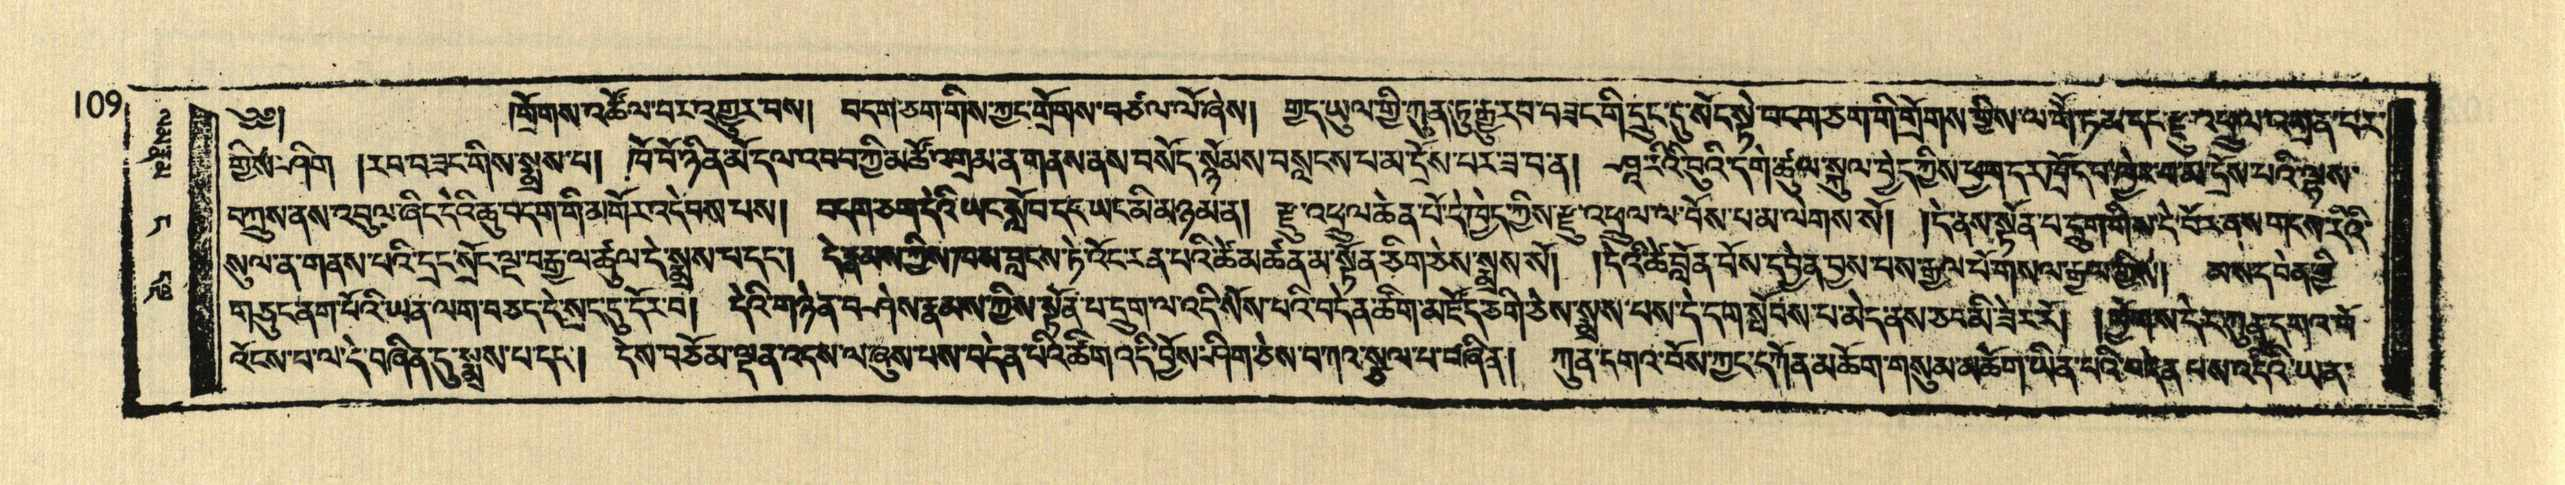༄༅། །གྲོགས་འཚོལ་བར་འགྱུར་བས། བདག་ཅག་གིས་ཀྱང་གྲོགས་བཙལ་ལོ་ཞེས། གྱད་ཡུལ་གྱི་ཀུན་ཏུ་རྒྱུ་རབ་བཟང་གི་དྲུང་དུ་སོང་སྟེ་བདག་ཅག་གི་གྲོགས་གྱིས་ལ་གཽ་ཏམ་དང་རྫུ་འཕྲུལ་འགྲན་པར་
གྱིས་ཤིག །རབ་བཟང་གིས་སྨྲས་པ། ཁོ་བོ་ཉིན་མོ་དལ་འབབ་ཀྱི་མཚོ་འགྲམ་ན་གནས་ནས་བསོད་སྙོམས་བསླངས་པ་མ་དྲོས་པར་ཟབ་ན། ཤཱ་རིའི་བུའི་དགེ་ཚུལ་སྐུལ་བྱེད་ཀྱིས་ཕྱག་དྲ་ཁྲོད་བ་ཁྱེར་བ་མ་དྲོས་པའི་ལྷས་
བཀྲུས་ནས་འབུལ་ཞིང་དེའི་ཆུ་བདག་གི་མགོར་འདེབས་པས། བདག་ཅག་དེའི་ཡང་སློབ་དང་ཡང་མི་མཉམ་ན། རྫུ་འཕྲུལ་ཆེན་པོ་དེ་ཁྱེད་ཀྱིས་རྫུ་འཕྲུལ་ལ་བོས་པ་མ་ལེགས་སོ། །དེ་ནས་སྟོན་པ་དྲུག་གིས་དེ་བོར་ནས་གངས་རིའི་
སུལ་ན་གནས་པའི་དྲང་སྲོང་ལྔ་བརྒྱ་ལ་ཚུལ་དེ་སྨྲས་པ་དང་། དེ་རྣམས་ཀྱིས་ཁས་བླངས་ཏེ་འོང་རན་པའི་ཚེ་མཚན་མ་སྟོན་ཅིག་ཅེས་སྨྲས་སོ། །དེའི་ཚེ་བློན་པོས་དབྱེན་བྱས་པས་རྒྱལ་པོ་གསལ་རྒྱལ་གྱིས། མས་དབེན་གྱི་
གཅུང་ནག་པོའི་ཡན་ལག་བཅད་དེ་སྲང་དུ་དོར་བ། དེའི་གཉེན་བཤེས་རྣམས་ཀྱིས་སྟོན་པ་དྲུག་ལ་འདི་སོས་པའི་བདེན་ཚིག་མཛོད་ཅིག་ཅེས་སྨྲས་པས་དེ་དག་སྤོབས་པ་མེད་ནས་ཅང་མི་ཟེར་རོ། །ཕྱོགས་དེར་ཀུན་དགའ་གོ་
འོངས་པ་ལ་དེ་བཞིན་དུ་སྨྲས་པ་དང་། དེས་བཅོམ་ལྡན་འདས་ལ་ཞུས་པས་བདེན་པའི་ཚིག་འདི་བྱོན་ཤིག་ཅེས་བཀའ་སྩལ་པ་བཞིན། ཀུན་དགའ་བོས་ཀྱང་དཀོན་མཆོག་གསུམ་མཆོག་ཡིན་པའི་བདེན་པས་འདིའི་ཡན་